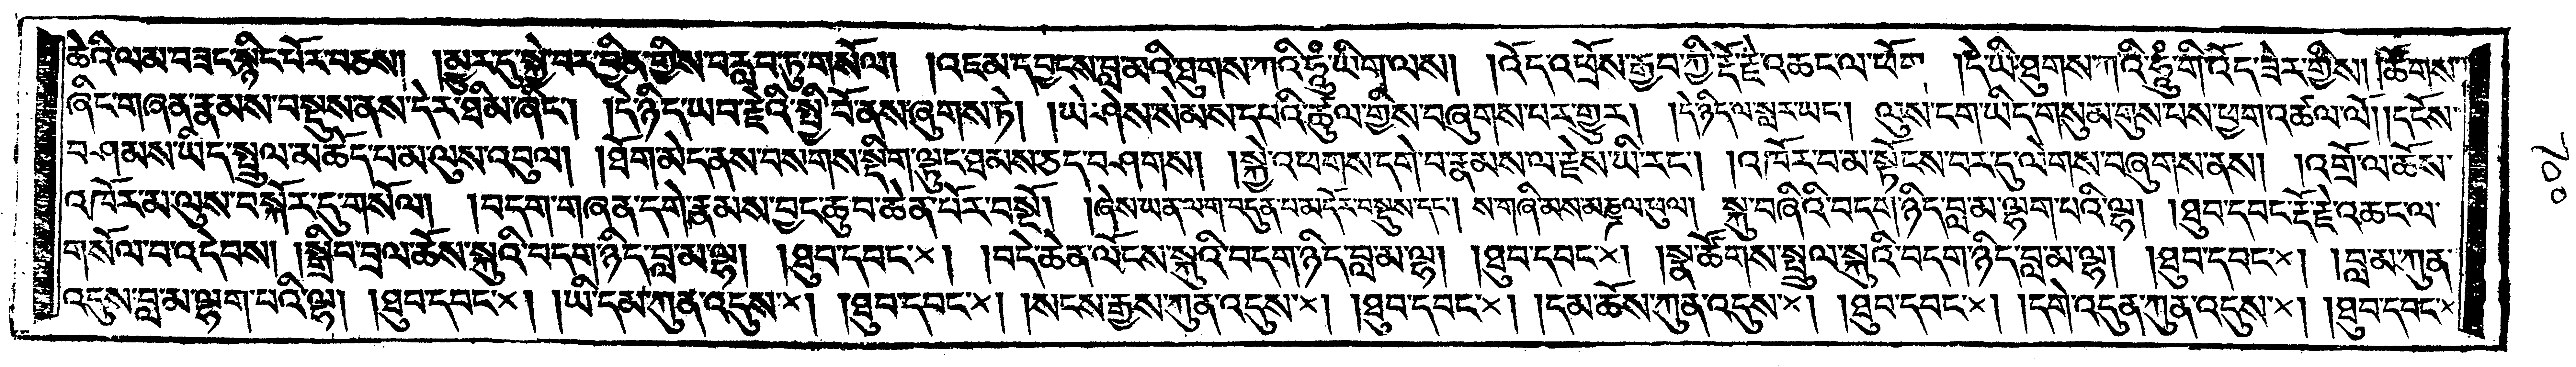ཆེའི་ལམ་བཟང་སྙིང་པོར་བཅས། །མྱུར་དུ་སྐྱེ་བར་བྱིན་གྱིས་བརླབ་ཏུ་གསོལ། །འཇམ་དབྱངས་བླ་མའི་ཐུགས་ཀའི་ཧཱུཾ་ཡིག་ལས། །འོད་འཕྲོས་རྒྱབ་ཀྱི་རྡོ་རྗེ་འཆང་ལ་ཕོག །དེ་ཡི་ཐུགས་ཀའི་ཧཱུཾ་གི་འོད་ཟེར་གྱིས། །ཚོགས་
ཞིང་གཞན་རྣམས་བསྡུས་ནས་དེར་ཐིམ་ཞིང་། །དེ་ཉིད་ཡབ་རྗེའི་སྤྱི་བོ་ནས་ཞུགས་ཏེ། །ཡེ་ཤེས་སེམས་དཔའི་ཚུལ་གྱིས་བཞུགས་པར་གྱུར། །དེ་ཉིད་ལ་སླར་ཡང་།  ལུས་ངག་ཡིད་གསུམ་གུས་པས་ཕྱག་འཚལ་ལོ། །དངོས་
བཤམས་ཡིད་སྤྲུལ་མཆོད་པ་མ་ལུས་འབུལ། །ཐོག་མེད་ནས་བསགས་སྡིག་ལྟུང་ཐམས་ཅད་བཤགས། །སྐྱེ་འཕགས་དགེ་བ་རྣམས་ལ་རྗེས་ཡི་རང་། །འཁོར་བ་མ་སྟོངས་བར་དུ་ལེགས་བཞུགས་ནས། །འགྲོ་ལ་ཆོས་
འཁོར་མ་ལུས་བསྒོར་དུ་གསོལ། །བདག་གཞན་དགེ་རྣམས་བྱང་ཆུབ་ཆེན་པོར་བསྔོ། །ཞེས་ཡན་ལག་བདུན་པ་མདོར་བསྡུས་དང་། ས་གཞིམས་མཎྜལ་ཕུལ།  སྐུ་བཞིའི་བདག་ཉིད་བླ་མ་ལྷག་པའི་ལྷ། །ཐུབ་དབང་རྡོ་རྗེ་འཆང་ལ་
གསོལ་པ་འདེབས། །སྒྲིབ་བྲལ་ཆོས་སྐུའི་བདག་ཉིད་བླ་མ་ལྷ། །ཐུབ་དབང་྾། །བདེ་ཆེན་ལོངས་སྐུའི་བདག་ཉིད་བླ་མ་ལྷ། །ཐུབ་དབང་྾། །སྣ་ཚོགས་སྤྲུལ་སྐུའི་བདག་ཉིད་བླ་མ་ལྷ། །ཐུབ་དབང་྾། །བླ་མ་ཀུན་
འདུས་བླ་མ་ལྷག་པའི་ལྷ། །ཐུབ་དབང་྾། །ཡི་དམ་ཀུན་འདུས་྾། །ཐུབ་དབང་྾། །སངས་རྒྱས་ཀུན་འདུས་྾། །ཐུབ་དབང་྾། །དམ་ཆོས་ཀུན་འདུས྾། །ཐུབ་དབང྾། །དགེ་འདུན་ཀུན་འདུས་྾། །ཐུབ་དབང་྾་